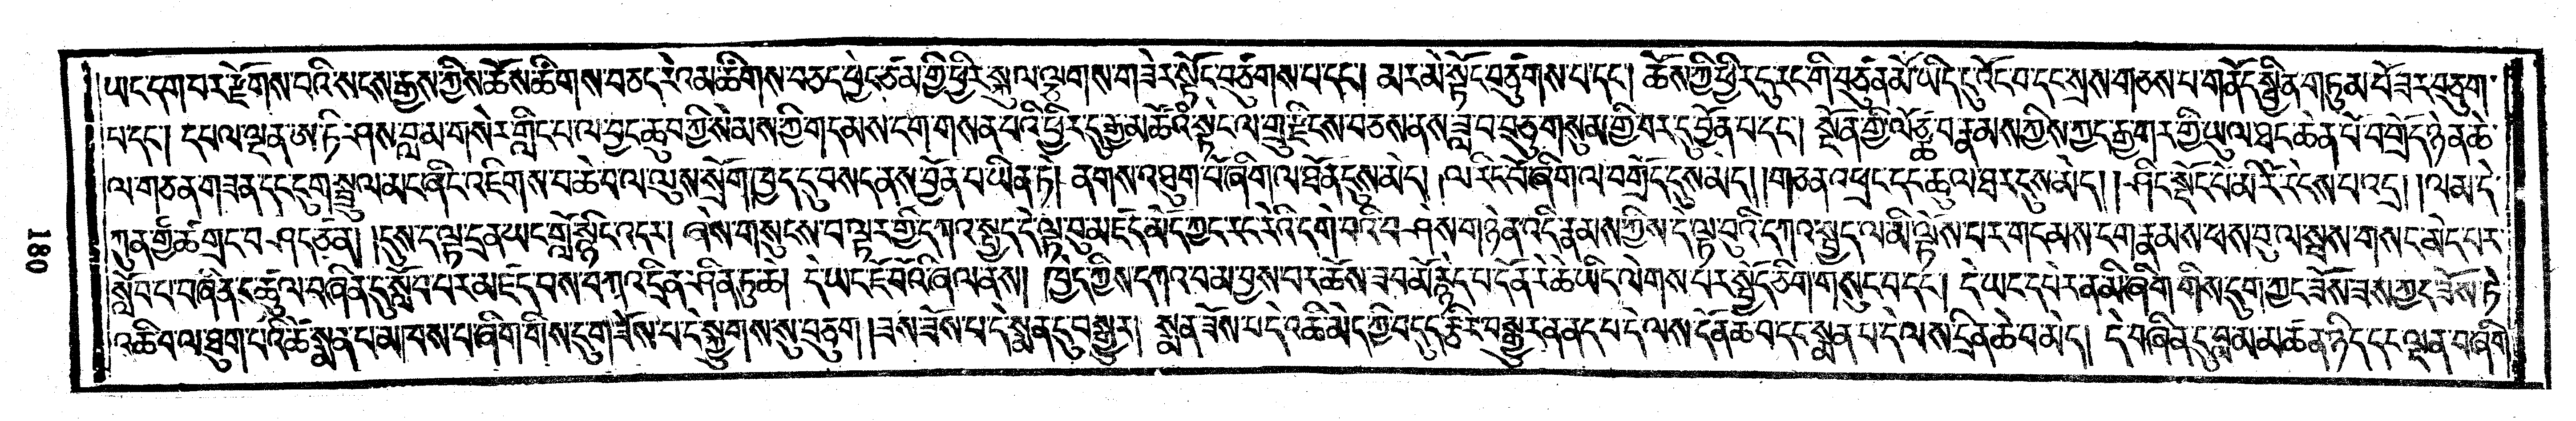ཡང་དག་པར་རྫོགས་པའི་སངས་རྒྱས་ཀྱིས་ཆོས་ཚིགས་བཅད་རེའམ་ཚིགས་བཅད་ཕྱེད་ཙམ་གྱི་ཕྱིར་སྐུ་ལ་ལྕགས་གཟེར་སྟོང་བཙུགས་པ་དང་། མར་མེ་སྟོང་བཙུགས་པ་དང་། ཆོས་ཀྱི་ཕྱིར་དུ་རང་གི་བཙུན་མོ་ཡིད་དུ་འོང་བ་དང་སྲས་གཅས་པ་གནོད་སྦྱིན་གཏུམ་བོ་ཟར་བཅུག་
པ་དང་། དཔལ་ལྡན་ཨ་ཏི་ཤས་བླ་མ་གསེར་གླིང་པ་ལ་བྱང་ཆུབ་ཀྱི་སེམས་ཀྱི་གདམས་ངག་གསན་པའི་ཕྱིར་དུ་རྒྱ་མཚོའི་སྟེང་ལ་གྲུ་རྫིངས་བཅས་ནས་ཟླ་བ་བཅུ་གསུམ་གྱི་བར་དུ་བྱོན་པ་དང་། སྔོན་གྱི་ལོཙྪ་བ་རྣམས་ཀྱིས་ཀྱང་རྒྱ་གར་གྱི་ཡུལ་ཐང་ཆེན་པོ་བགྲོད་ཉེན་ཆེ་
ལ་གཅན་གཟན་དང་དུག་སྦྲུལ་མང་ཞིང་འཇིགས་པ་ཆེ་བ་ལ་ལུས་སྲོག་ཁྱད་དུ་བསད་ནས་བྱོན་པ་ཡིན་ཏེ། ནགས་འཐུག་པོ་ཞིག་ལ་ཐོན་དུས་མེད། །ལ་རིང་བོ་ཞིག་ལ་བགྲོད་དུས་མེད། །གཅན་འཕྲང་དང་ཆུ་ལ་ཐར་དུས་མེད། །ཤིང་སྡོང་པོ་མི་རོ་རེངས་པ་འདྲ། །ལམ་དེ་
ཀུན་གྱི་ཚ་གྲང་བཤད་ཙ་ན། །དུས་ད་ལྟ་དྲན་ཡང་གློ་སྙིང་འདར། ཞེས་གསུངས་བ་ལྟར་གྱི་དཀའ་སྤྱད་དེ་ལྟ་བུ་མཛད་མོད་ཀྱང་རང་རེའི་དགེ་བའི་བཤེས་གཉེན་འདི་རྣམས་ཀྱིས་དེ་ལྟ་བུའི་དཀའ་སྤྱད་ལ་མི་ལྟོས་པར་གདམས་ངག་རྣམས་ཕས་བུ་ལ་སྤས་གསང་མེད་པར་
སློབ་པ་བཞིན་དུ་ཚུལ་བཞིན་དུ་སློབ་པར་མཛད་པས་བཀའ་དྲིན་ཤིན་ཏུ་ཆེ། དེ་ཡང་ཇོ་བོའི་ཞལ་ནས། ཁྱེད་ཀྱིས་དཀའ་བ་མ་བྱས་པར་ཆོས་ཟབ་མོ་རྙེད་པ་དོན་རེ་ཆེ་ཡིད་ལེགས་པར་སྤྱོད་ཅིག་གསུང་བ་དང་། དེ་ཡང་དཔེར་ན་མི་ཞིག་གིས་དུག་ཀྱང་ཟོས་ཟས་ཀྱང་ཟོས་ཏེ་
འཆི་བ་ལ་ཐུག་པའི་ཚེ་སྨན་པ་མཁས་པ་ཞིག་གིས་དུ་གཟོས་པ་དེ་སྐྱུགས་སུ་བཅུག །ཟས་ཟོས་པ་དེ་སྨན་དུ་བསྒྱུར། སྨན་ཟོས་པ་དེ་འཆི་མེད་ཀྱི་བདུད་རྩིར་བསྒྱུར་ན་ནད་པ་དེ་ལས་དོན་ཆ་བ་དང་སྨན་པ་དེ་ལས་དྲིན་ཆེ་བ་མེད། དེ་བཞིན་དུ་བླ་མ་མཚན་ཉིད་དང་ལྡན་བ་ཞིག་